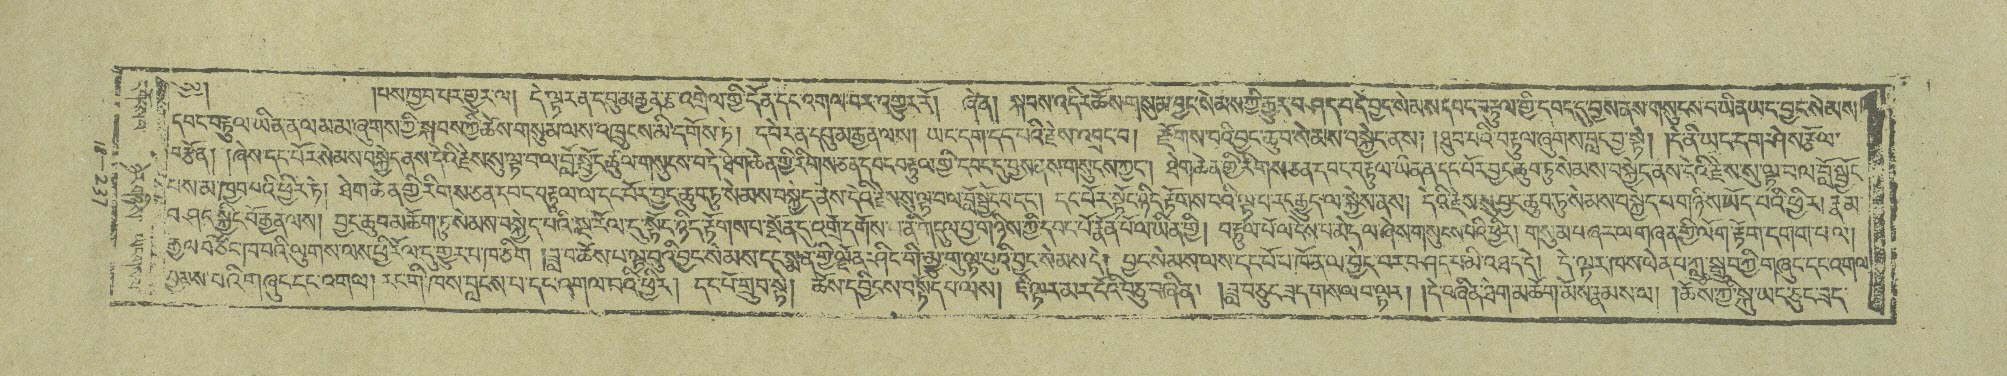༄༅། །པས་ཁྱབ་པར་གྱུར་ལ། དེ་ལྟར་ན་དབུ་མ་རྒྱན་རྩ་འགྲེལ་གྱི་དོན་དང་འགལ་བར་འགྱུར་རོ། །ཞེ་ན། སྐབས་འདིར་ཆོས་གསུམ་བྱང་སེམས་ཀྱི་རྒྱུར་བཤད་པ་དེ་བྱང་སེམས་དབང་བརྟུལ་གྱི་དབང་དུ་བྱས་ནས་གསུངས། །ཡིན་ཡང་བྱང་སེམས་
དབང་བརྟུལ་ཡན་ན་ལམ་མ་ཞུགས་ཀྱི་སྐབས་ཀྱི་ཆོས་གསུམ་ལས་འཁྲུངས་མི་དགོས་ཏེ། དཔེར་ན་དབུ་མ་རྒྱན་ལས། ཡང་དག་དད་པའི་རྗེས་འབྲང་བ། རྫོགས་པའི་བྱང་ཆུབ་སེམས་བསྐྱེད་ནས། །ཐུབ་པའི་བརྟུལ་ཞུགས་བླང་བྱ་སྟེ། །དེ་ནི་ཡང་དག་ཤེས་རྩོལ་
བརྩོན། །ཞེས་དང་པོར་སེམས་བསྐྱེད་ནས་དེའི་རྗེས་སུ་ལྟ་བ་ལ་བློ་སྦྱོང་ཚུལ་གསུངས་པ་དེ་ཐེག་ཆེན་གྱི་རིགས་ཅན་དབང་བརྟུལ་གྱི་དབང་དུ་བྱས་ནས་གསུངས་ཀྱང་། ཐེག་ཆེན་གྱི་རིགས་ཅན་དབང་བརྟུལ་ཡིན་ན་དང་པོར་བྱང་ཆུབ་ཏུ་སེམས་བསྐྱེད་ནས་དེའི་རྗེས་སུ་ལྟ་བ་ལ་བློ་སྦྱོང་
བསམ་ཁྱབ་པའི་ཕྱིར་ཏེ། ཐེག་ཆེན་གྱི་རིགས་ཅན་དབང་བརྟུལ་ལ་དང་པོར་བྱང་ཆུབ་ཏུ་སེམས་བསྐྱེད་ནས་དེའི་རྗེས་སུ་ལྟ་བ་ལ་བློ་སྦྱོང་བ་དང་། དང་པོར་སྟོང་ཉིད་རྟོགས་པའི་ལྟ་བ་རང་རྒྱུད་ལ་སྐྱེས་ནས། དེའི་རྗེས་སུ་བྱང་ཆུབ་ཏུ་སེམས་བསྐྱེད་པ་གཉིས་ཡོད་པའི་ཕྱིར། རྣམ་
བཤད་སྙིང་པོ་རྒྱན་ལས། བྱང་ཆུབ་མཆོག་ཏུ་སེམས་བསྐྱེད་པའི་སྔ་རོལ་དུ་སྟོང་ཉིད་རྟོགས་པ་སྔོན་དུ་འགྲོ་དགོས་པ་ན་གདུལ་བྱ་གཉིས་ཀྱི་དབང་པོ་རྣོན་པོ་ལ་ཡིན་གྱི། བརྟུལ་པོ་ལ་ངེས་པ་མེད་ལ་ཞེས་གསུངས་པའི་ཕྱིར། གསུམ་པ་ཞར་ལ་གཞན་གྱི་ལོག་རྟོག་དགག་པ་ལ།
རྒྱལ་བཙོང་ཁ་བའི་ལུགས་ལས་ཕྱི་རོལ་དུ་གྱུར་བ་ཁ་ཅིག །ཟླ་བ་ཚེས་པ་ལྟ་བུའི་བྱང་སེམས་དང་སྨན་གྱི་ལྗོན་ཤིང་གི་མྱུ་གུ་ལྟ་བུའི་བྱང་སེམས་དེ། བྱང་སེམས་ལས་དང་པོ་པ་ཁོ་ན་ལ་བྱེད་པར་བཤད་པ་མི་འཐད་དེ། དེ་ལྟར་ཁས་ལེན་པ་ཀླུ་སྒྲུབ་ཀྱི་གཞུང་དང་འགལ་
བྱམས་པའི་གཞུང་དང་འགལ། རང་གི་ཁས་བླངས་པ་དང་འགལ་བའི་ཕྱིར། དང་པོ་གྲུབ་སྟེ། ཆོས་དབྱིངས་བསྟོད་པ་ལས། ཇི་ལྟར་མར་ངོའི་བཅུ་བཞིན། །ཟླ་བ་ཅུང་ཟད་གསལ་བ་ལྟར། །དེ་བཞིན་ཐེག་མཆོག་མོས་རྣམས་ལ། །ཆོས་ཀྱི་སྐུ་ཡང་ཅུང་ཟད་